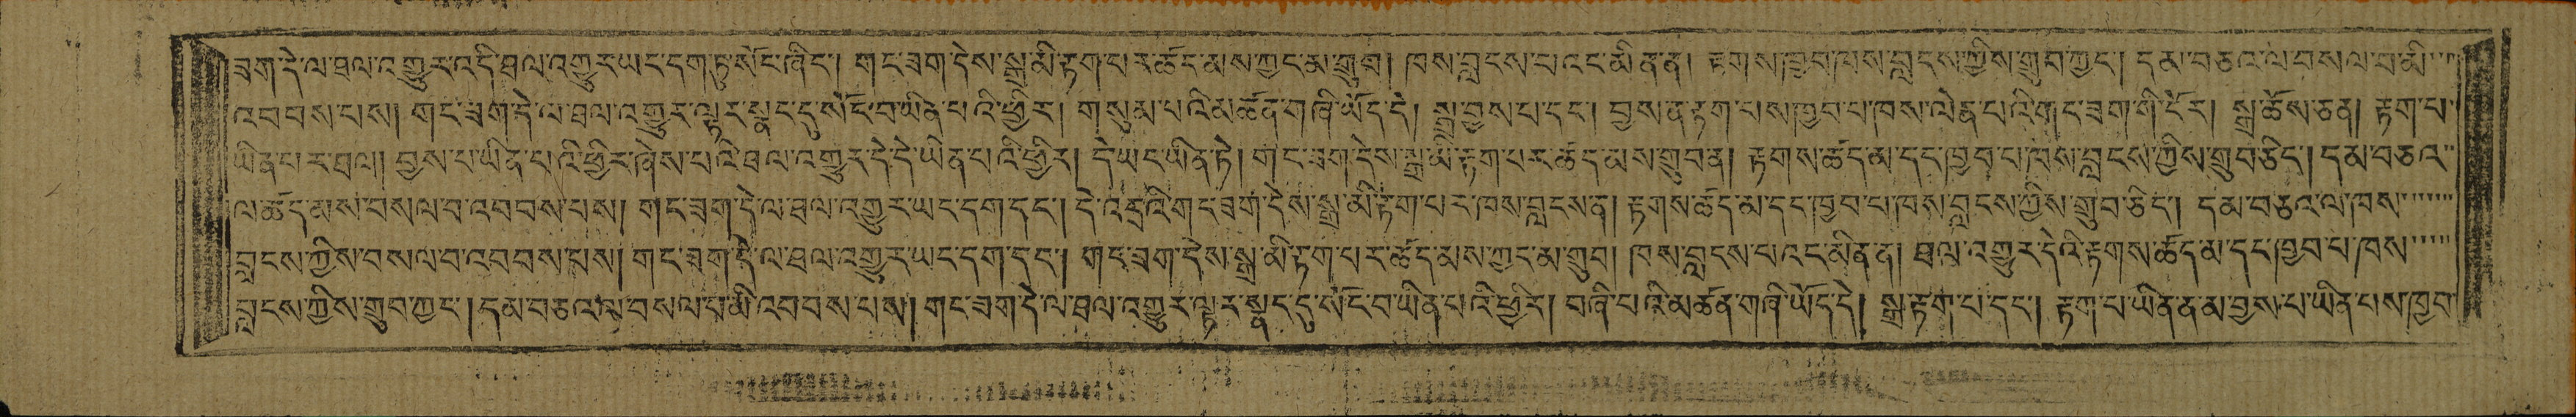ཟག་དེ་ལ་ཐལ་འགྱུར་འདི་ཐལ་འགྱུར་ཡང་དག་ཏུ་སོང་ཞིང་། གང་ཟག་དེས་སྒྲ་མི་རྟག་པར་ཚད་མས་ཀྱང་མ་གྲུབ། ཁས་བླངས་པའང་མིན་ན། རྟགས་ཁྱབ་ཁས་བླངས་ཀྱིས་གྲུབ་ཀྱང་། དམ་བཅའ་ལ་བསལ་བ་མི་
འབབས་པས། གང་ཟག་དེ་ལ་ཐལ་འགྱུར་ལྟར་སྣང་དུ་སོང་བ་ཡིན་པའི་ཕྱིར། གསུམ་པའི་མཚན་གཞི་ཡོད་དེ། སྒྲ་བྱས་པ་དང་། བྱས་ན་རྟག་པས་ཁྱབ་པ་ཁས་ལེན་པའི་གང་ཟག་གི་ངོར། སྒྲ་ཆོས་ཅན། རྟག་པ་
ཡིན་པར་ཐལ། བྱས་པ་ཡིན་པའི་ཕྱིར་ཞེས་པའི་ཐལ་འགྱུར་དེ་དེ་ཡིན་པའི་ཕྱིར། དེ་ཡང་ཡིན་ཏེ། གང་ཟག་དེས་སྒྲ་མི་རྟག་པར་ཚད་མས་གྲུབ་ན། རྟགས་ཚད་མ་དང་ཁྱབ་པ་ཁས་བླངས་ཀྱིས་གྲུབ་ཅིང་། དམ་བཅའ་
ལ་ཚད་མས་བསལ་བ་འབབས་པས། གང་ཟག་དེ་ལ་ཐལ་འགྱུར་ཡང་དག་དང་། དེ་འདྲའི་གང་ཟག་དེས་སྒྲ་མི་རྟག་པར་ཁས་བླངས་ན། རྟགས་ཚད་མ་དང་ཁྱབ་པ་ཁས་བླངས་ཀྱིས་གྲུབ་ཅིང་། དམ་བཅའ་ལ་ཁས་
བླངས་ཀྱིས་བསལ་བ་འབབས་པས། གང་ཟག་དེ་ལ་ཐལ་འགྱུར་ཡང་དག་དང་། གང་ཟག་དེས་སྒྲ་མི་རྟག་པར་ཚད་མས་ཀྱང་མ་གྲུབ། ཁས་བླངས་པའང་མིན་ན། ཐལ་འགྱུར་དེའི་རྟགས་ཚད་མ་དང་ཁྱབ་པ་ཁས་
བླངས་ཀྱིས་གྲུབ་ཀྱང་། དམ་བཅའ་ལ་བསལ་པ་མི་འབབས་པས། གང་ཟག་དེ་ལ་ཐལ་འགྱུར་ལྟར་སྣང་དུ་སོང་བ་ཡིན་པའི་ཕྱིར། བཞི་པའི་མཚན་གཞི་ཡོད་དེ། སྒྲ་རྟག་པ་དང་། རྟག་པ་ཡིན་ན་མ་བྱས་པ་ཡིན་པས་ཁྱབ་